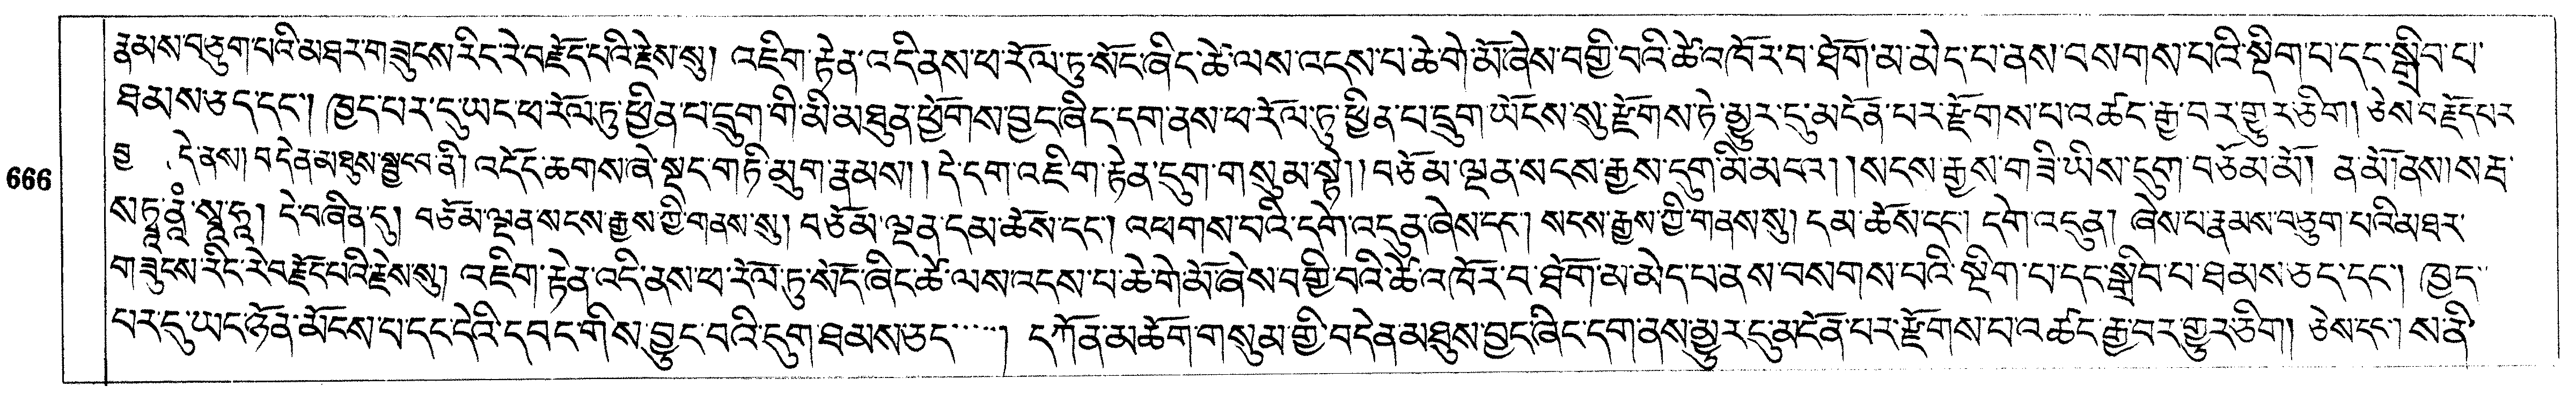རྣམས་བཅུག་པའི་མཐར་གཟུངས་རིང་རེ་བརྗོད་པའི་རྗེས་སུ། འཇིག་རྟེན་འདི་ནས་ཕ་རོལ་ཏུ་སོང་ཞིང་ཚེ་ལས་འདས་པ་ཆེ་གེ་མོ་ཞེས་བགྱི་བའི་ཚེ་འཁོར་བ་ཐོག་མ་མེད་པ་ནས་བསགས་པའི་སྡིག་པ་དང་སྒྲིབ་པ་
ཐམས་ཅད་དང་། ཁྱད་པར་དུ་ཡང་ཕ་རོལ་ཏུ་ཕྱིན་པ་དྲུག་གི་མི་མཐུན་ཕྱོགས་བྱང་ཞིང་དག་ནས་ཕ་རོལ་ཏུ་ཕྱིན་པ་དྲུག་ཡོངས་སུ་རྫོགས་ཏེ་མྱུར་དུ་མངོན་པར་རྫོགས་ཏེ་མྱུར་དུ་མངོན་པར་རྫོགས་པ་འཚང་རྒྱ་བར་གྱུར་ཅིག །ཅེས་བརྗོད་པར་
བྱ། དེ་ནས། བདེན་མཐུས་སྦྱང་བ་ནི། འདོད་ཆགས་ཞེ་སྡང་གཏི་མུག་རྣམས། དེ་དག་འཇིག་རྟེན་དུག་གསུམ་སྟེ། །བཅོམ་ལྡན་སངས་རྒྱས་དུག་མི་མ་བར། །སངས་རྒྱས་གཟི་ཡིས་དུག་བཅོམ་མོ། ན་མོ་ནས། སརྦ་
སཏྭཱ་ནཱཾ་སྭཱ་ཧཱ། དེ་བཞིན་དུ་བཅོམ་ལྡན་སངས་རྒྱས་ཀྱི་གནས་སུ། བཅོམ་ལྡན་དམ་ཆོས་དང་། འཕགས་པའི་དགེ་འདུན་ཞེས་དང་། སངས་རྒྱས་ཀྱི་གནས་སུ། དམ་ཆོས་དང་། དགེ་འདུན། ཞེས་པ་རྣམས་བཅུག་པའི་མཐར་
གཟུངས་རིང་རེ་བརྗོད་པའི་རྗེས་སུ། འཇིག་རྟེན་འདི་ནས་ཕ་རོལ་ཏུ་སོད་ཞིང་ཚེ་ལས་འདས་པ་ཆེ་གེ་མོ་ཞེས་བགྱི་བའི་ཚེ་འཁོར་བ་ཐོག་མ་མེད་པ་ནས་བསགས་པའི་སྡིག་པ་དང་སྒྲིབ་པ་ཐམས་ཅད་དང་། ཁྱད་
པར་དུ་ཡང་ཉོན་མོངས་པ་དང་དེའི་དབང་གིས་བྱུང་བའི་དུག་ཐམས་ཅད། དཀོན་མཆོག་གསུམ་གྱི་བདེན་མཐུས་བྱང་ཞིང་དག་ནས་མྱུར་དུ་མངོན་པར་རྫོགས་པ་འཚང་རྒྱ་བར་གྱུར་ཅིག། ཅེས་དང་། ས་ནི་